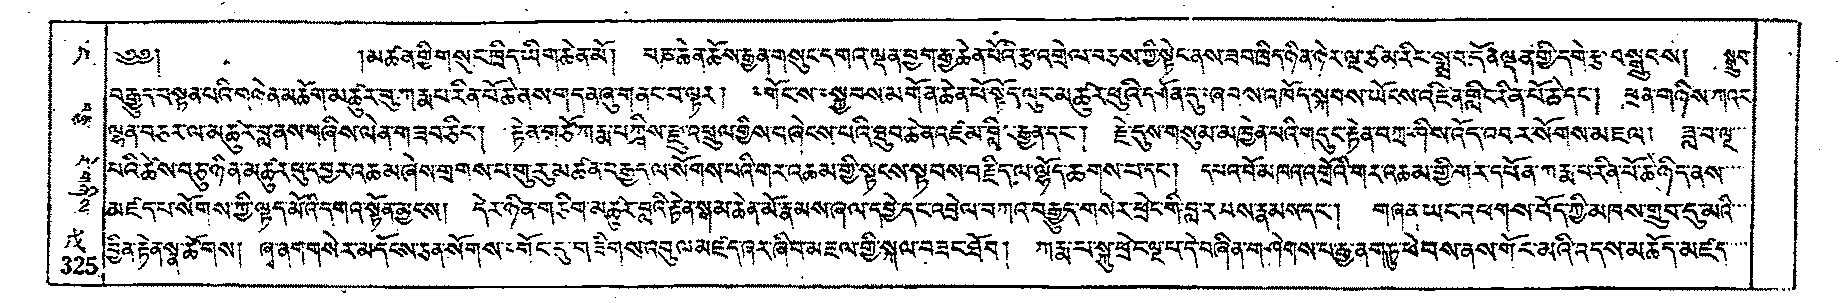༄༅། །མཚན་གྱི་གསུང་ཁྲིད་ཡིག་ཆེན་མོ། པཎ་ཆེན་ཆོས་རྒྱན་གསུང་དགའ་ལྡན་ཕྱག་རྒྱ་ཆེན་པོའི་རྩ་འགྲེལ་བཅས་ཀྱི་སྟེང་ནས་ཟབ་ཁྲིད་ཉིན་ཉེར་ལྔ་ཙམ་རིང་སྨྲ་བ་དོན་ལྡན་གྱི་དགེ་རྩ་བསྒྲུབས། སྒྲུབ་
བརྒྱུད་བསྟན་པའི་གཉེན་མཆོག་མཚུར་ཕུ་ཀརྨ་པ་རིན་པོ་ཆེ་ནས་གདན་ཞུ་གནང་བ་ལྟར། ༧གོང་ས ༧སྐྱབས་མགོན་ཆེན་པོ་སྟོད་ལུང་མཚུར་ཕུའི་དགོན་དུ ༧ཞབས་འཁོད་སྐབས་ཡོངས་འཛིན་གླིང་རིན་པོ་ཆེ་དང་། ཕྲན་གཉིས་ཀའང་
ལྷན་བཅར་ལ་མཚུར་བླ་ནས་གཞིས་ལེན་གཟབ་ཅིང་། རྟེན་གཙོ་ཀརྨ་པཀྴིས་རྫུ་འཕྲུལ་གྱིས་བཞེངས་པའི་ཐུབ་ཆེན་འཛམ་གླིང་རྒྱན་དང་། རྗེ་དུས་གསུམ་མཁྱེན་པའི་གདུང་རྟེན་བཀྲ་ཤིས་འོད་འབར་སོགས་མཇལ། ཟླ་བ་ལྔ་
པའི་ཚེས་བཅུ་ཉིན་མཚུར་ཕུ་དབྱར་འཆམ་ཞེས་གྲགས་པ་གུ་རུ་མཚན་བརྒྱད་ལ་སོགས་པའི་གར་འཆམ་གྱི་སྟངས་སྟབས་བརྗིད་ལ་ལྷོད་ཆགས་པ་དང་། དཔའ་བོ་མཁའ་འགྲོའི་གར་འཆམ་གྱི་གར་དཔོན་ཀརྨ་པ་རིན་པོ་ཆེ་ཉིད་ནས་
མཛད་པ་སོགས་ཀྱི་ལྟད་མོའི་དགའ་སྟོན་མྱངས། དེར་ཉིན་གཅིག་མཚུར་བླའི་རྟེན་སྒམ་ཆེན་མོ་རྣམས་ཞལ་དབྱེ་དང་འབྲེལ་བཀའ་བརྒྱུད་གསེར་ཕྲེང་གི་བླ་རབས་རྣམས་དང་། གཞན་ཡང་འཕགས་བོད་ཀྱི་མཁས་གྲུབ་དུ་མའི་
བྱིན་རྟེན་སྣ་ཚོགས། ཞྭ་ནག་གསེར་མདོངས་ཅན་སོགས ༧གོང་དུ་གཟིགས་འབུལ་མཛད་ཞར་ཞིབ་མཇལ་གྱི་སྐལ་བཟང་ཐོབ། ཀརྨ་པ་སྐུ་ཕྲེང་ལྔ་པ་དེ་བཞིན་གཤེགས་པ་རྒྱ་ནག་ཏུ་ཕེབས་ནས་གོང་མའི་འདས་མཆོད་མཛད་